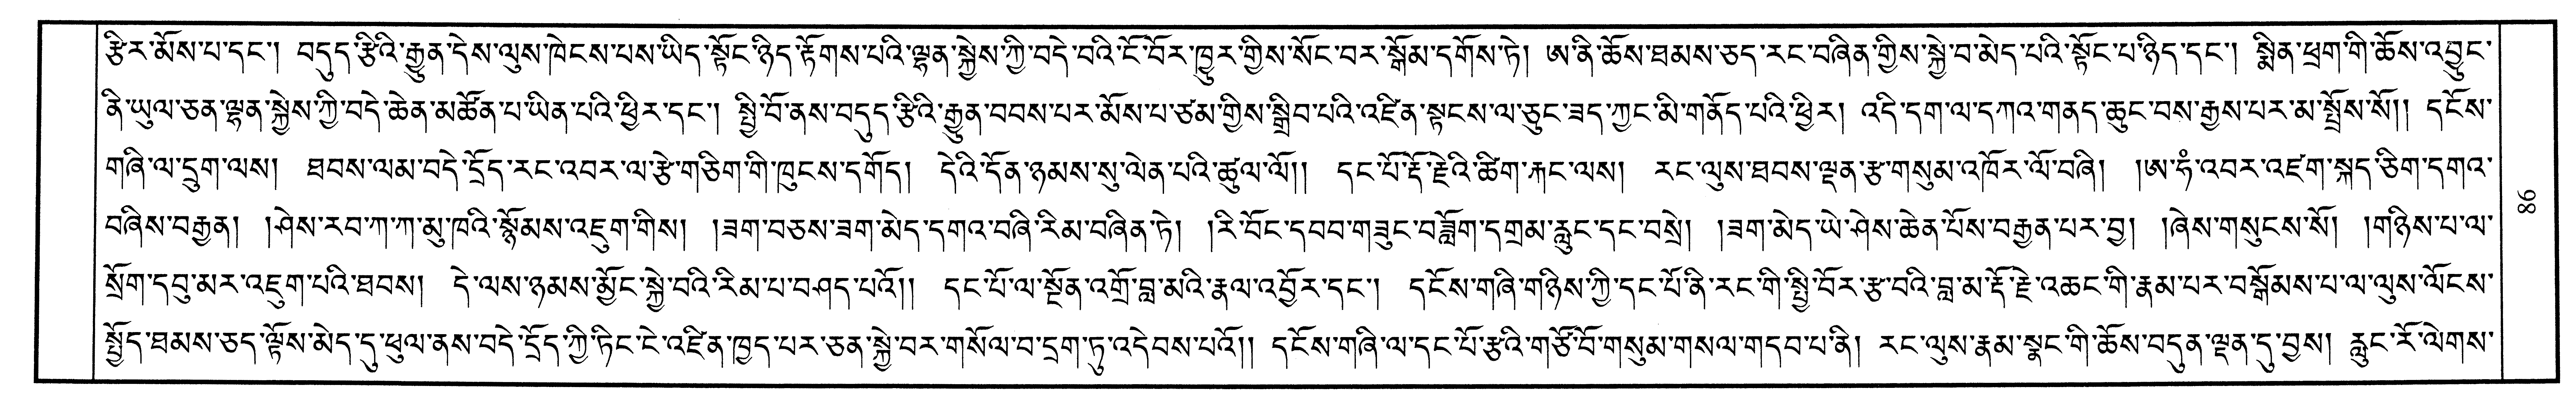རྩིར་མོས་པ་དང་། བདུད་རྩིའི་རྒྱུན་དེས་ལུས་ཁེངས་པས་ཡིད་སྟོང་ཉིད་རྟོགས་པའི་ལྷན་སྐྱེས་ཀྱི་བདེ་བའི་ངོ་བོར་ཁྱུར་གྱིས་སོང་བར་སྒོམ་དགོས་ཏེ། ཨ་ནི་ཆོས་ཐམས་ཅད་རང་བཞིན་གྱིས་སྐྱེ་བ་མེད་པའི་སྟོང་པ་ཉིད་དང་། སྨིན་ཕྲག་གི་ཆོས་འབྱུང་
ནི་ཡུལ་ཅན་ལྷན་སྐྱེས་ཀྱི་བདེ་ཆེན་མཚོན་པ་ཡིན་པའི་ཕྱིར་དང་། སྤྱི་བོ་ནས་བདུད་རྩིའི་རྒྱུན་བབས་པར་མོས་པ་ཙམ་གྱིས་སྒྲིབ་པའི་འཛིན་སྟངས་ལ་ཅུང་ཟད་ཀྱང་མི་གནོད་པའི་ཕྱིར། འདི་དག་ལ་དཀའ་གནད་ཆུང་བས་རྒྱས་པར་མ་སྤྲོས་སོ།། དངོས་
གཞི་ལ་དྲུག་ལས། ཐབས་ལམ་བདེ་དྲོད་རང་འབར་ལ་རྩེ་གཅིག་གི་ཁུངས་དགོད། དེའི་དོན་ཉམས་སུ་ལེན་པའི་ཚུལ་ལོ། དང་པོ་རྡོ་རྗེའི་ཚིག་རྐང་ལས། རང་ལུས་ཐབས་ལྡན་རྩ་གསུམ་འཁོར་ལོ་བཞི། །ཨ་ཧཾ་འབར་འཛག་སྐད་ཅིག་དགའ་
བཞིས་བརྒྱན། །ཤེས་རབ་ཀ་ཀ་མུ་ཁའི་སྙོམས་འཇུག་གིས། །ཟག་བཅས་ཟག་མེད་དགའ་བཞི་རིམ་བཞིན་ཏེ། །རི་བོང་དབབ་གཟུང་བཟློག་དགྲམ་རླུང་དང་བསྲེ། །ཟག་མེད་ཡེ་ཤེས་ཆེན་པོས་བརྒྱན་པར་བྱ། །ཞེས་གསུངས་སོ། །གཉིས་པ་ལ་
སྲོག་དབུ་མར་འཇུག་པའི་ཐབས། དེ་ལས་ཉམས་མྱོང་སྐྱེ་བའི་རིམ་པ་བཤད་པའོ། དང་པོ་ལ་སྔོན་འགྲོ་བླ་མའི་རྣལ་འབྱོར་དང་། དངོས་གཞི་གཉིས་ཀྱི་དང་པོ་ནི་རང་གི་སྤྱི་བོར་རྩ་བའི་བླ་མ་རྡོ་རྗེ་འཆང་གི་རྣམ་པར་བསྒོམས་པ་ལ་ལུས་ལོངས་
སྤྱོད་ཐམས་ཅད་ལྟོས་མེད་དུ་ཕུལ་ནས་བདེ་དྲོད་ཀྱི་ཏིང་ངེ་འཛིན་ཁྱད་པར་ཅན་སྐྱེ་བར་གསོལ་བ་དྲག་ཏུ་འདེབས་པའོ།། དངོས་གཞི་ལ་དང་པོ་རྩའི་གཙོ་བོ་གསུམ་གསལ་གདབ་པ་ནི། རང་ལུས་རྣམ་སྣང་གི་ཆོས་བདུན་ལྡན་དུ་བྱས། རླུང་རོ་ལེགས་